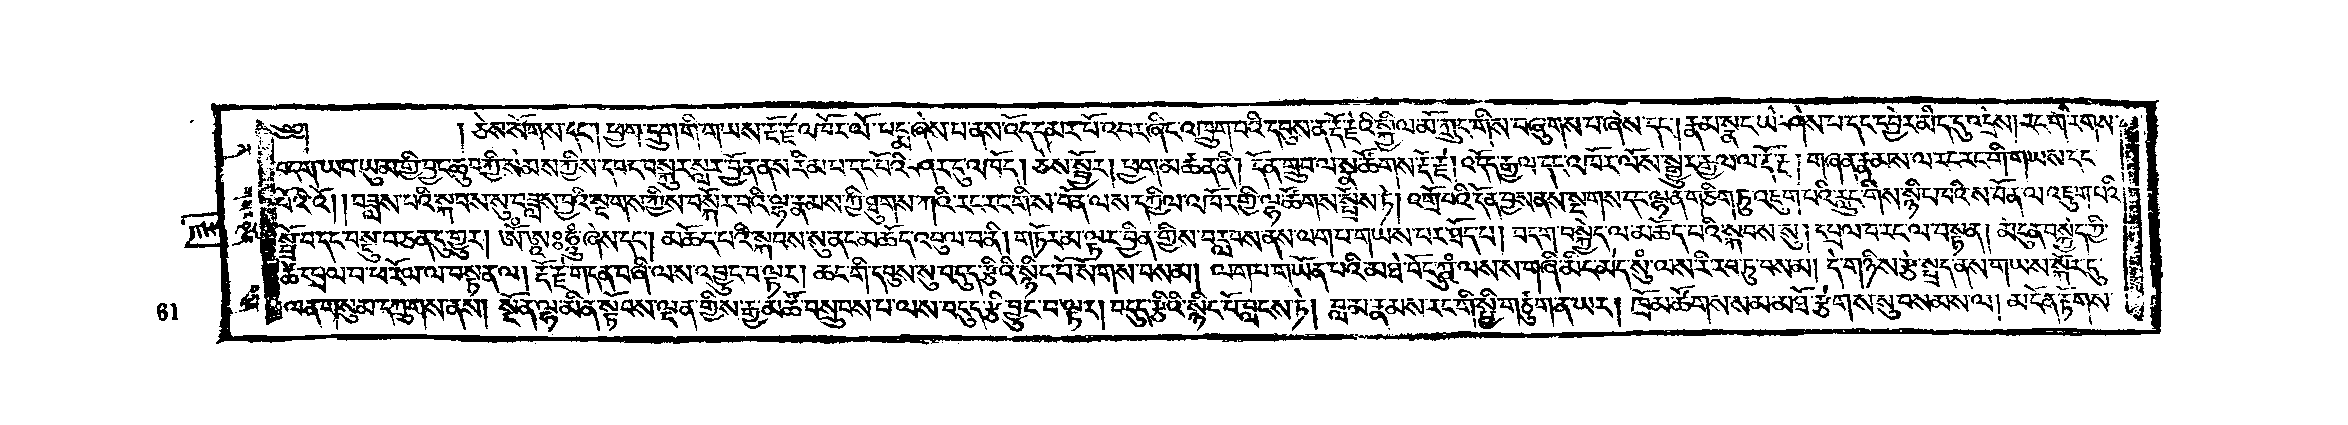༄༅། །ཅེས་སོགས་དང་། ཕྱག་དྲུག་གི་གཡས་རྡོ་རྗེ་འཁོར་ལོ་པདམ་ཞེས་པ་ནས་འོད་དམར་པོ་འབར་ཞིང་འཁྲུག་པའི་དབུས་ན་རྡོ་རྗེའི་སྐྱིལ་མོ་ཀྲུང་གིས་བཞུགས་པ་ཞེས་དང་། རྣམ་སྣང་ཡེ་ཤེས་པ་དང་དབྱེར་མེད་དུ་འདྲེས། རང་གི་རིགས་
བདག་ཡབ་ཡུམ་གྱི་བྱང་ཆུབ་ཀྱི་སེམས་ཀྱིས་དབང་བསྐུར་སླར་བྱོན་ནས་རིམ་པ་དང་པོའི་ཤར་དུ་འཁོད། ཅེས་སྦྱོར། ཕྱག་མཚན་ནི། དོན་གྲུབ་ལ་སྣ་ཚོགས་རྡོ་རྗེ། འདོད་རྒྱལ་དང་འཁོར་ལོས་སྒྱུར་རྒྱལ་ལ་རྡོ་རྗེ། གཞན་རྣམས་ལ་རང་རང་གི་གཡས་དང་
པོའི་འོ། །བཟླས་པའི་སྐབས་སུ་བཟླས་བྱའི་སྔགས་ཀྱིས་བསྐོར་བའི་ལྷ་རྣམས་ཀྱི་ཐུགས་ཀའི་རང་རང་གི་ས་བོན་ལས་དཀྱིལ་འཁོར་གྱི་ལྷ་ཚོགས་སྤྲོས་ཏེ། འགྲོ་བའི་དོན་བྱས་ནས་སྔགས་དང་ལྷན་གཅིག་ཏུ་འཇུག་པའི་རླུང་གིས་སྙིང་ཁའི་ས་བོན་ལ་འཇུག་པའི་
སྤྲོ་བ་དང་བསྡུ་བ་ཅན་དུ་གྱུར། ཨོཾ་ཨཱཿ ཧཱུཾ་ཞེས་དང་། མཆོད་པའི་སྐབས་སུ་ནང་མཆོད་འབུལ་བ་ནི། གཏོར་མ་ལྟར་བྱིན་གྱིས་བརླབས་ནས་ལག་པ་གཡས་པར་ཐོད་པ། བདག་བསྐྱེད་ལ་མཆོད་པའི་སྐབས་སུ། དཔྲལ་བ་རང་ལ་བསྟན། མདུན་བསྐྱེད་ཀྱི་
ཚེ་དཔྲལ་བ་ཕ་རོལ་ལ་བསྟན་ལ། རྡོ་རྗེ་གདན་བཞི་ལས་འབྱུང་བ་ལྟར། ཆང་གི་དབུས་སུ་བདུད་རྩིའི་སྙིང་པོ་སོགས་བསམ། ལག་པ་གཡོན་པའི་མཐེ་བོང་དུ་ཀྵཾ་ལས་ས་གཞི་མིང་མེད་སུཾ་ལས་རི་རབ་ཏུ་བསམ། དེ་གཉིས་རྩེ་སྤྲད་ནས་གཡས་སྐོར་དུ་
ལན་གསུམ་དཀྲུགས་ནས། སྔོན་ལྷ་མིན་སྟོབས་ལྡན་གྱིས་རྒྱ་མཚོ་བསྲུབས་པ་ལས་བདུད་རྩི་བྱུང་བ་ལྟར། བདུད་རྩིའི་སྙིང་པོ་བླངས་ཏེ། བླ་མ་རྣམས་རང་གི་སྤྱི་གཙུག་ན་ཡར། ཁྲོམ་ཚོགས་སམ་མཐོ་རྩེགས་སུ་བསམས་ལ། མངོན་རྟོགས་